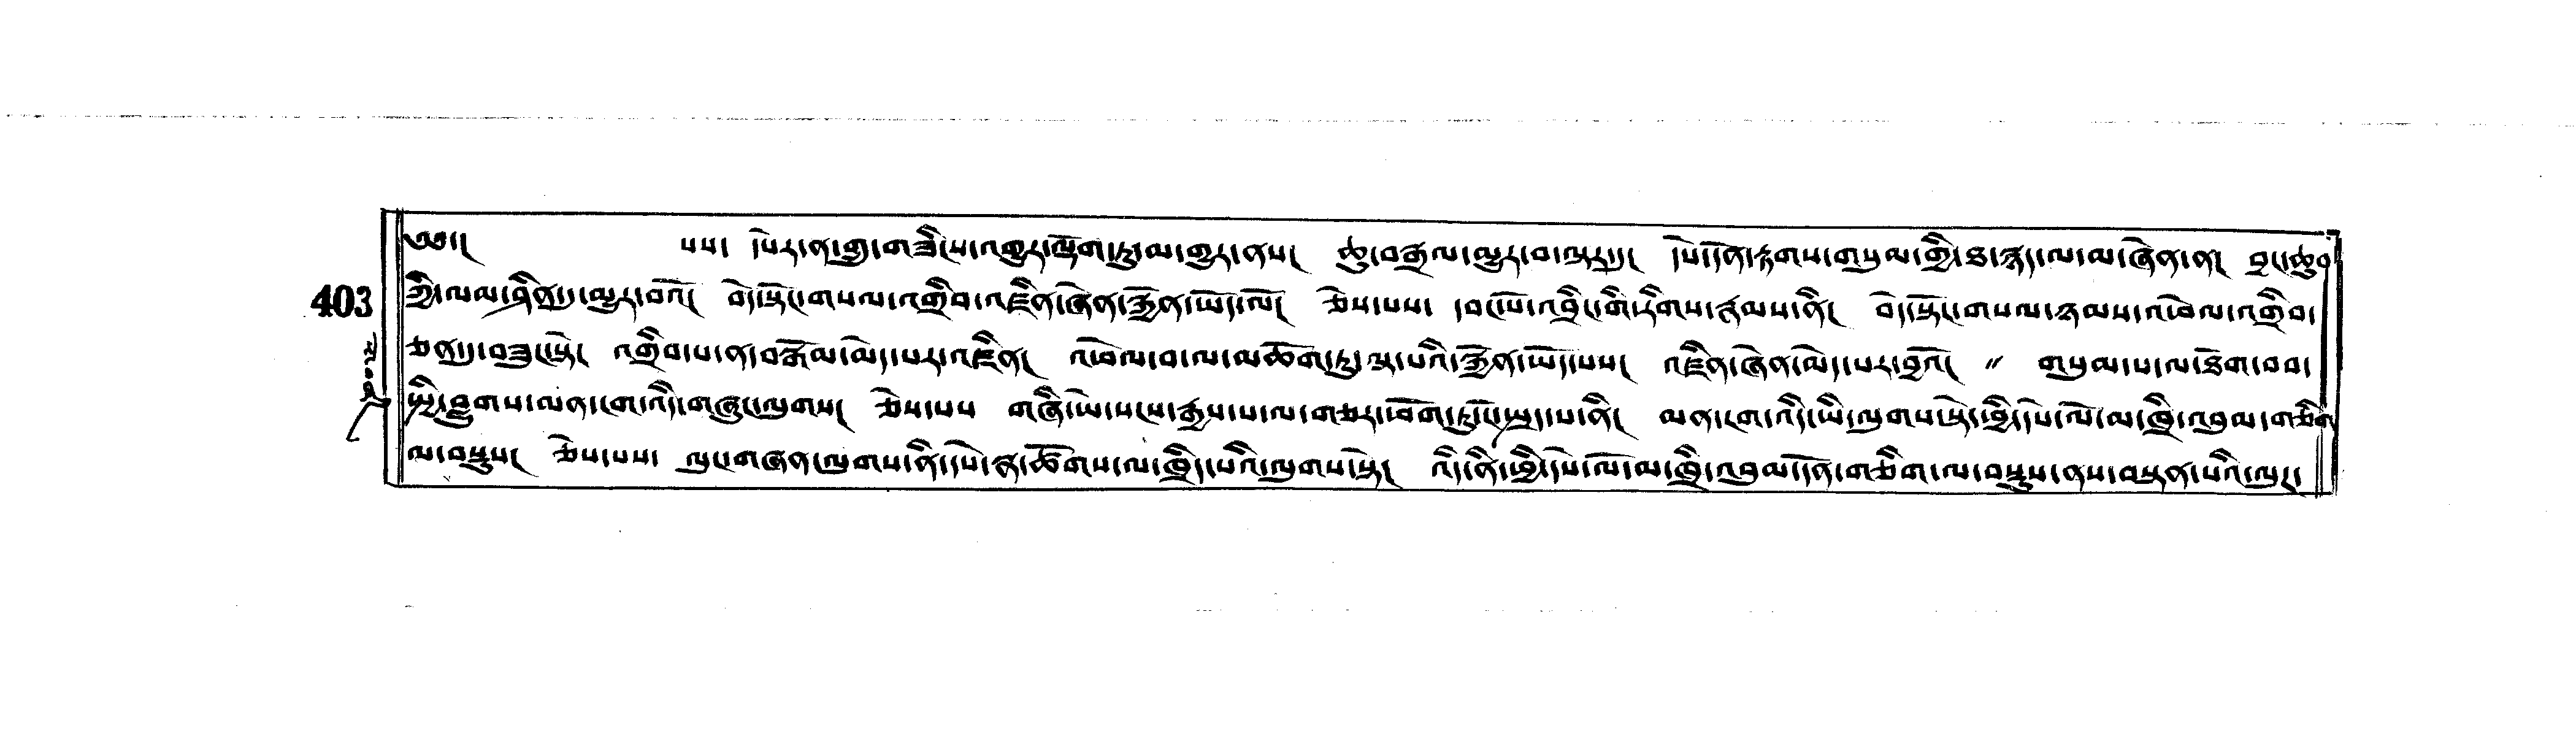པས། དཔེར་ན། གྲུ་གཟིངས་འགྱུར་ལྡོག་ཏུ་མ་གྱུར་ནས། ཆུ་བསྒྲལ་མྱུར་བ་ལྟར་དུ། དཔེ་དོན་རྟགས་གསུམ་གྱི་ཐ་སྙད་ལ་མ་ཞེན་ན། བྱང་ཆུབ་
ཀྱི་ལམ་ཤིན་ཏུ་མྱུར་བའོ། བདེ་སྟོང་གསལ་འགྲིབ་འཛིན་ཞེན་སྐྱོན་ཡོད་ལོ། ཅེས་པས། དབང་པོ་འབྲིང་གི་རིགས་རྣམས་ནི། བདེ་སྟོང་གསལ་ཉམས་འཕེལ་འགྲིབ་
ཅན་དུ་བཟུང་སྟེ། འགྲིབ་ན་སྒོམ་མེད་པར་འཛིན། འཕེལ་བ་ལ་མཆོག་ཏུ་ལྟ་བའི་སྐྱོན་ཡོད་པས། འཛིན་ཞེན་མེད་པར་བྱའོ། གསུམ་པ་ལ་ཐོག་བབས་
སྤྱི་བླུགས་མན་ངག་འདི་གཞུང་ལུགས། ཅེས་པས། གཞི་ཡེ་སངས་རྒྱས་པ་ལ་ཅར་ཕོག་ཏུ་ངོ་སྤྲད་པ་ནི། མན་ངག་འདི་ཡི་ལུགས་ཏེ་ཕྱི་དཔེ་ལོ་མ་ཁྲི་འབུམ་གཅིག་
ལ་བསྡུས། ཅེས་པས། ལུང་གཞན་ལུགས་ནི་དཔེ་སྣ་ཚོགས་ལ་ཁྲིད་པའི་ལུགས་ཏེ། འདི་ནི་ཕྱི་དཔེ་ལོ་མ་ཁྲི་འབུམ་དོན་གཅིག་ལ་བསྡུས་ནས་བསྟན་པའི་ལུགས་